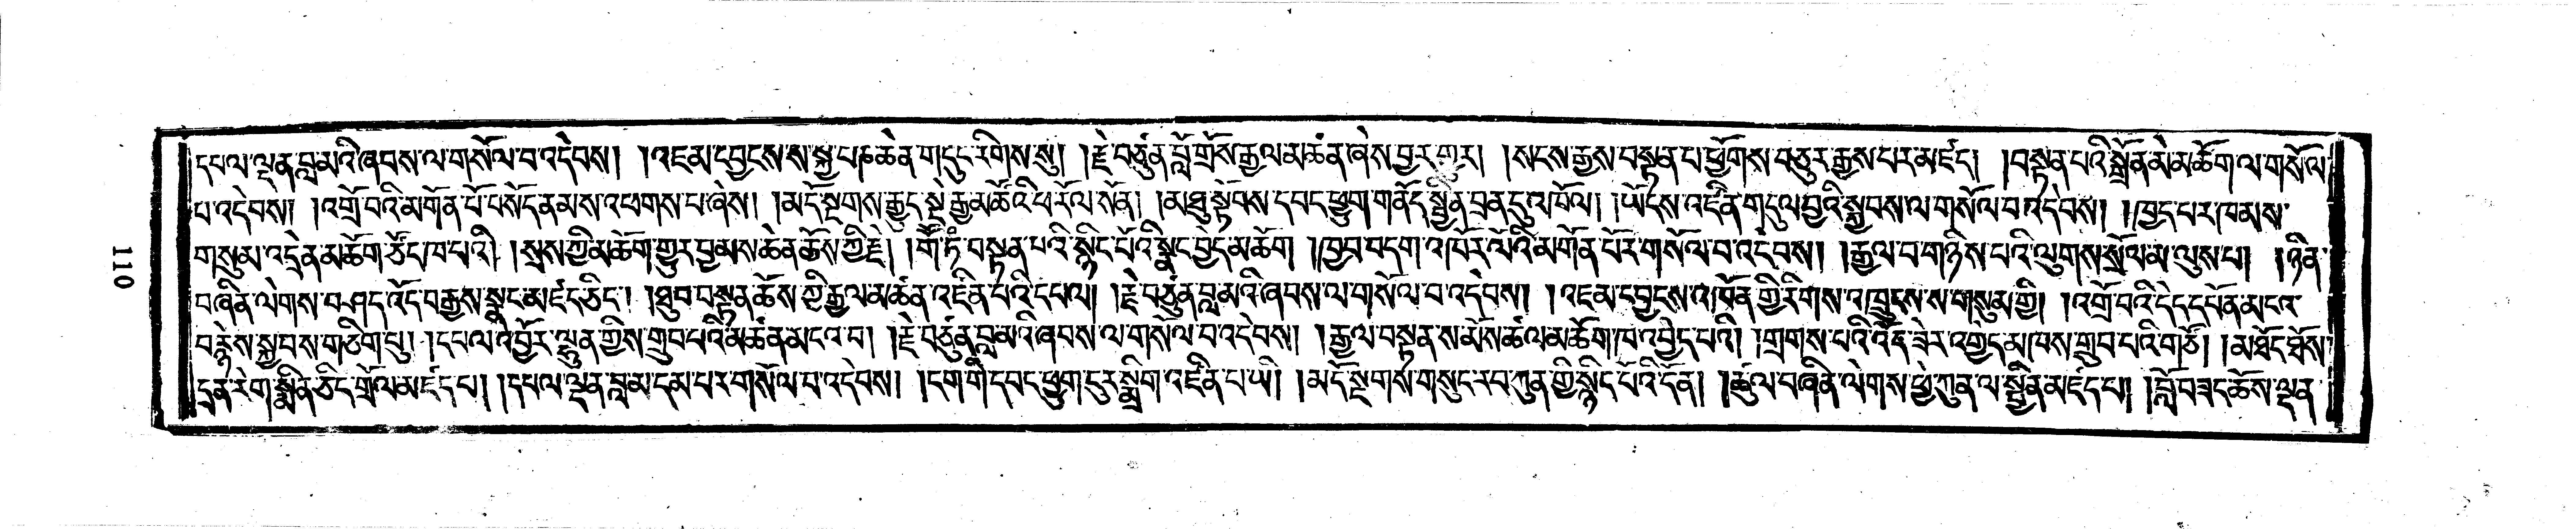དཔལ་ལྡན་བླ་མའི་ཞབས་ལ་གསོལ་བ་འདེབས། །འཇམ་དབྱངས་ས་སྐྱ་པཎ་ཆེན་གདུང་རིགས་སུ། །རྗེ་བཙུན་བློ་གྲོས་རྒྱལ་མཚན་ཞེས་བྱར་གྱུར། །སངས་རྒྱས་བསྟན་པ་ཕྱོགས་བཅུར་རྒྱས་པར་མཛད། །བསྟན་པའི་སྒྲོན་མེ་མཆོག་ལ་གསོལ་
པ་འདེབས། །འགྲོ་བའི་མགོན་པོ་བསོད་ནམས་འཕགས་པ་ཞེས། །མདོ་སྔགས་རྒྱུད་སྡེ་རྒྱ་མཚོའི་ཕ་རོལ་སོན། །མཐུ་སྟོབས་དབང་ཕྱུག་གནོད་སྦྱིན་བྲན་དུ་འཁོལ། །ཡོངས་འཛིན་གདུལ་བྱའི་སྐྱབས་ལ་གསོལ་བ་འདེབས། །ཁྱད་པར་ཁམས་
གསུམ་འདྲེན་མཆོག་ཙོང་ཁང་པའི། །སྲས་ཀྱི་མཆོག་གྱུར་བྱམས་ཆེན་ཆོས་ཀྱི་རྗེ། །གཽ་ཏཾ་བསྟན་པའི་སྙིང་པོའི་སྣང་བྱེད་མཆོག །ཁྱབ་བདག་འཁོར་ལོའི་མགོན་པོར་གསོལ་བ་འདེབས། །རྒྱལ་བ་གཉིས་པའི་ལུགས་སྲོལ་མ་ལུས་པ། །ཉིན་
བཞིན་ལེགས་བཤད་འོད་བརྒྱས་སྣང་མཛད་ཅིང་། །ཐུབ་བསྟན་ཆོས་ཀྱི་རྒྱལ་མཚན་འཛིན་པའི་དཔལ། །རྗེ་བཙུན་བླ་མའི་ཞབས་ལ་གསོལ་བ་འདེབས། །འཇམ་དབྱངས་འཁོན་གྱི་རིགས་འཁྲུངས་ས་གསུམ་གྱི། །འགྲོ་བའི་དེད་དཔོན་མངའ་
བརྙེས་སྐྱབས་གཅིག་པུ། །དཔལ་འབྱོར་ལྷུན་གྱིས་གྲུབ་པའི་མཚན་མངའ་བ། །རྗེ་བཙུན་བླ་མའི་ཞབས་ལ་གསོལ་བ་འདེབས། །རྒྱལ་བསྟན་ས་མོས་ཚལ་མཆོག་ཁ་འབྱེད་པའི། །གྲགས་པའི་འོད་ཟེར་འགྱེད་མཁས་གྲུབ་པའི་གཙོ། །མཐོང་ཐོས་
དྲན་རེག་སྨིན་ཅིང་གྲོལ་མཛད་པ། །དཔལ་ལྡན་བླ་མ་དམ་པར་གསོལ་བ་འདེབས། །དག་གི་དབང་ཕྱུག་དུར་སྨྲིག་འཛིན་པ་ཡི། །མདོ་སྔགས་གསུང་རབ་ཀུན་གྱི་སྙིང་པོའི་དོན། །ཚུལ་བཞིན་ལེགས་ཕྱེ་ཀུན་ལ་སྤྱིན་མཛད་པ། །བློ་བཟང་ཆོས་ལྡན་